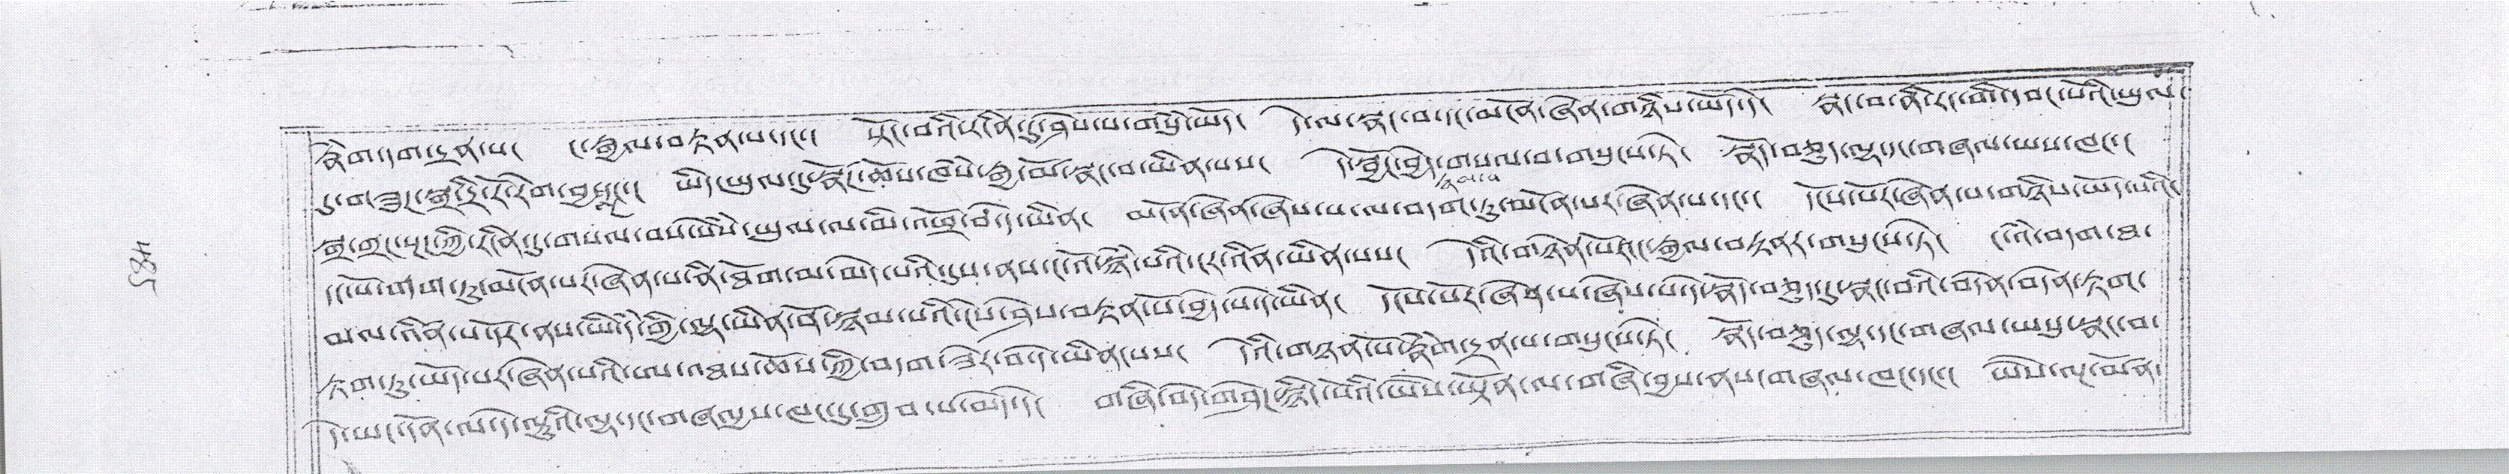རྣམ་དག་དག་དྲན་པ། ང་རྒྱལ་བརྟན་པ་དང་། སྟོང་པའི་རང་བཞིན་དུ་ཤེས་པ་གསུམ་ཡོད། དེ་ལ་སྣང་བ་དང་མངོན་ཞེན་གཉིས་ཡོད་དེ། སྣང་བ་ནི་རང་གི་དབང་པོའི་ཡུལ་
དུ་གཟུགས་སྒྲ་དྲི་རོ་རེག་བྱ་ལྔ་དང་། ཡིད་ཡུལ་དུ་སྣ་ཚོགས་ཆོས་ཁམས་རྒྱ་མཚོ་སྣང་བ་ཡིན་པས། དེ་སྦྱོང་བྱེད་རྣམ་པ་གསལ་བ་གསུངས་ཏེ། སྣོད་བཅུད་ལྷ་དང་གཞལ་ཡས་ཁང་། 
སྒྲ་གྲགས་སྔགས་ཀྱི་རང་བཞིན་དུ་གསལ་བས་ཡེ་ཤེས་ཡུལ་ལ་མི་འཕྲོ་བ་དེ་ཡིན། མངོན་ཞེན་ཞེས་པ་ལ་བདག་ཏུ་མངོན་པར་ཞེན་པ་དང་། དངོས་པོར་ཞེན་པ་གཉིས་ཡོད་པའི་
དང་པོ་བདག་ཏུ་འཛིན་པ་དོར་ནས་ཡི་དམ་གྱི་ལྷ་ཡིན་ནོ་སྙམ་པའི་ངེས་ཤེས་བརྟན་པོ་བྱེད་པ་དེ་ཡིན། དངོས་པོར་ཞེན་པ་ཞེས་པ་དེ་སྣོད་བཅུད་དུ་སྣང་བའི་བདེན་བདེན་རྟག་
རྟག་ཏུ་ཡོད་པར་ཞེན་པའི་ཨ་འཐས་ཆོས་ཀྱི་བདག་ཟེར་བ་དེ་ཡིན་པས། དེའི་གཉེན་པོ་རྣམ་དག་དྲན་པ་གསུངས་ཏེ། སྣོད་བཅུད་ལྷ་དང་གཞལ་ཡས་སུ་སྣང་བ། 
དེ་ཡང་དོན་ལ་དེ་ལྟ་བུའི་ལྷ་དང་གཞལ་ཡས་ཁང་དུ་གྲུབ་པ་མེད་དེ། གཞི་བདེར་གཤེགས་སྙིང་པོའི་ཡེ་ཤེས་ཡོན་ཏན་ལ་གཞི་བྱས་ནས་གཞལ་ཡས་ཁང་།